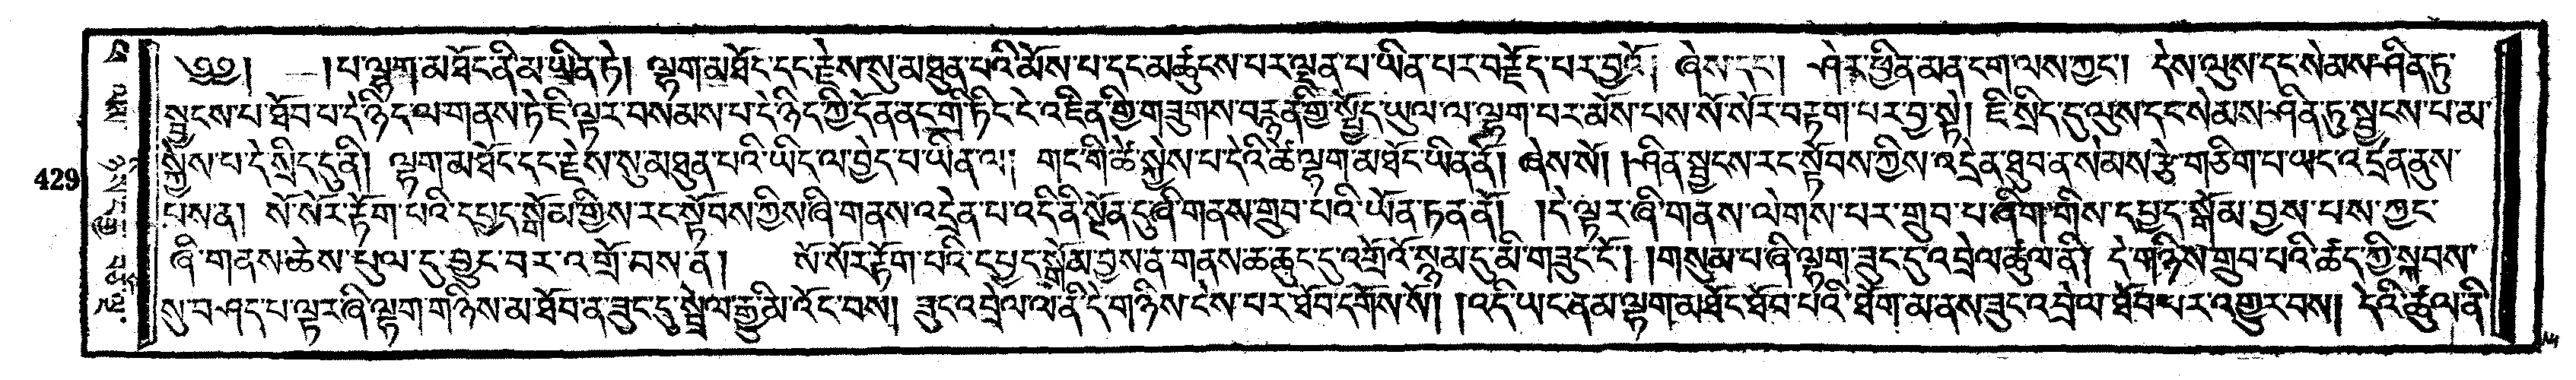༄༅། །པ་ལྷག་མཐོང་ནི་མ་ཡིན་ཏེ། ལྷག་མཐོང་དང་རྗེས་སུ་མཐུན་པའི་མོས་པ་དང་མཚུངས་པར་ལྡན་པ་ཡིན་པར་བརྗོད་པར་བྱའོ། ཞེས་དང་། ཤེར་ཕྱིན་མན་ངག་ལས་ཀྱང་། དེས་ལུས་དང་སེམས་ཤིན་ཏུ་
སྦྱངས་པ་ཐོབ་པ་དེ་ཉིད་ལ་གནས་ཏེ་ཇི་ལྟར་བསམས་པ་དེ་ཉིད་ཀྱི་དོན་ནང་གི་ཏིང་ངེ་འཛིན་གྱི་གཟུགས་བརྙན་གྱི་སྤྱོད་ཡུལ་ལ་ལྷག་པར་མོས་པས་སོ་སོར་བརྟག་པར་བྱ་སྟེ། ཇི་སྲིད་དུ་ལུས་དང་སེམས་ཤིན་ཏུ་སྦྱངས་པ་མ་
སྐྱེས་པ་དེ་སྲིད་དུ་ནི། ལྷག་མཐོང་དང་རྗེས་སུ་མཐུན་པའི་ཡིད་ལ་བྱེད་པ་ཡིན་ལ། གང་གི་ཚེ་སྐྱེས་པ་དེའི་ཚེ་ལྷག་མཐོང་ཡིན་ནོ། ཞེས་སོ། །ཤིན་སྦྱངས་རང་སྟོབས་ཀྱིས་འདྲེན་ཐུབ་ན་སེམས་རྩེ་གཅིག་པ་ཡང་འདྲན་ནུས་
པས་ན། སོ་སོར་རྟོག་པའི་དཔྱད་སྒོམ་གྱིས་རང་སྟོབས་ཀྱིས་ཞི་གནས་འདྲེན་པ་འདི་ནི་སྔོན་དུ་ཞི་གནས་གྲུབ་པའི་ཡོན་ཏན་ནོ། །དེ་ལྟར་ཞི་གནས་ལེགས་པར་གྲུབ་པ་ཞིག་གིས་དཔྱད་སྒོམ་བྱས་པས་ཀྱང་
ཞི་གནས་ཆེས་པུལ་དུ་བྱུང་བར་འགྲོ་བས་ན། སོ་སོར་རྟོག་པའི་དཔྱད་སྒོམ་བྱས་ན་གནས་ཆ་ཆུང་དུ་འགྲོའོ་སྙམ་དུ་མི་གཟུང་ངོ། །གསུམ་པ་ཞི་ལྷག་ཟུང་དུ་འབྲེལ་ཚུལ་ནི། དེ་གཉིས་གྲུབ་པའི་ཚད་ཀྱི་སྐབས་
སུ་བཤད་པ་ལྟར་ཞི་ལྷག་གཉིས་མ་ཐོབ་ན་ཟུང་དུ་སྦྲེལ་རྒྱུ་མི་འོང་བས། ཟུང་འབྲེལ་ལ་ནི་དེ་གཉིས་ངེས་པར་ཐོབ་དགོས་སོ། །འདི་ཡང་ནམ་ལྷག་མཐོང་ཐོབ་པའི་ཐོག་མ་ནས་ཟུང་འབྲེལ་ཐོབ་པར་འགྱུར་བས། དེའི་ཚུལ་ནི་